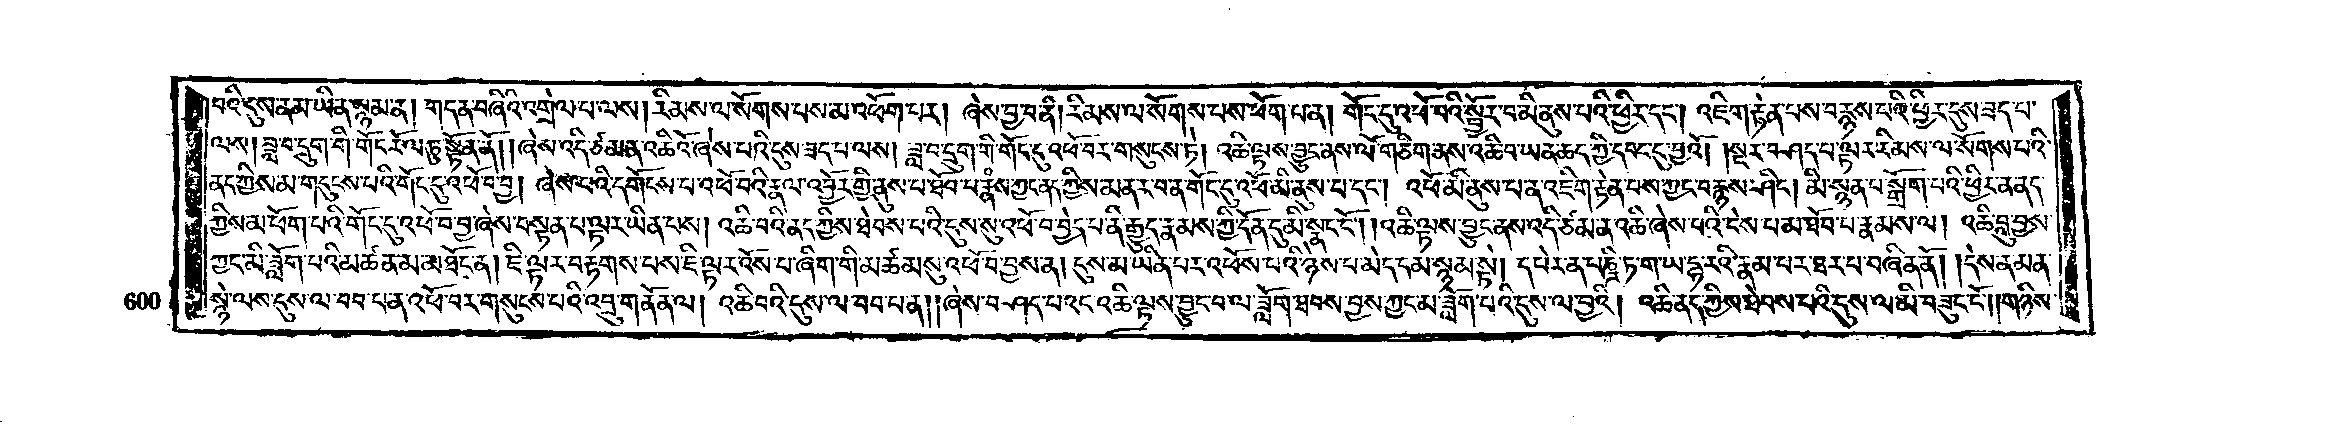བའི་དུས་ནམ་ཡིན་སྙམ་ན། གདན་བཞིའི་འགྲེལ་པ་ལས། རིམས་ལ་སོགས་པས་མ་འཕོག་པར། ཞེས་བྱ་བ་ནི། རིམས་ལ་སོགས་པས་ཕོག་པ་ན། གོང་དུ་འཕོ་བའི་སྦྱོར་བ་མི་ནུས་པའི་ཕྱིར་དང་། འཇིག་རྟེན་པས་བརྙས་པའི་ཕྱིར་དུས་ཟད་པ་
ལས། ཟླ་བ་དྲུག་གི་གོང་རོལ་ཏུ་སྟོན་ནོ། །ཞེས་འདི་ཙམ་ན་འཆིའོ་ཞེས་པའི་དུས་ཟད་པ་ལས། ཟླ་བ་དྲུག་གི་གོང་དུ་འཕོ་བར་གསུངས་ཏེ། འཆི་ལྟས་བྱུང་ནས་ལོ་གཅིག་ནས་འཆི་བ་ཡན་ཆད་ཀྱི་དབང་དུ་བྱའོ། །སྔར་བཤད་པ་ལྟར་རིམས་ལ་སོགས་པའི་
ནད་ཀྱིས་མ་གདུངས་པའི་གོང་དུ་འཕོ་བ་བྱ། ཞེས་པའི་དགོངས་པ་འཕོ་བའི་རྣལ་འབྱོར་གྱི་ནུས་པ་ཐོབ་པ་རྣམས་ཀྱང་ནད་ཀྱིས་མནར་བ་ན་གོང་དུ་འཕོ་མི་ནུས་པ་དང་། འཕོ་མི་ནུས་པ་ན་འཇིག་རྟེན་པས་ཀྱང་བརྙས་ཤིང་། མི་སྙན་པ་སྒྲོག་པའི་ཕྱིར་ན་ནད་
ཀྱིས་མ་ཕོག་པའི་གོང་དུ་འཕོ་བ་བྱ་ཞེས་བསྟན་པ་ལྟར་ཡིན་པས། འཆི་བའི་ནད་ཀྱིས་ཐེབས་པའི་དུས་སུ་འཕོ་བ་བྱེད་པ་ནི་རྒྱུད་རྣམས་ཀྱི་དོན་དུ་མི་སྣང་ངོ། །འཆི་ལྟས་བྱུང་ནས་འདི་ཙམ་ན་འཆི་ཞེས་པའི་ངེས་པ་མ་ཐོབ་པ་རྣམས་ལ། འཆི་བླུ་བྱས་
ཀྱང་མི་ཟློག་པའི་མཚན་མ་མཐོང་ན། ཇི་ལྟར་བརྟགས་པས་ཇི་ལྟར་འོས་པ་ཞིག་གི་མཚམས་སུ་འཕོ་བ་བྱས་ན། དུས་མ་ཡིན་པར་འཕོས་པའི་ཉེས་པ་མེད་དམ་སྙམ་སྟེ། དཔེར་ན་པཎྜི་ཏ་ག་ཡ་དྷ་རའི་རྣམ་པར་ཐར་པ་བཞིན་ནོ། །དེས་ན་མན་
སྙེ་ལས་དུས་ལ་བབ་པ་ན་འཕོ་བར་གསུངས་པའི་འབྲུ་གནོན་ལ། འཆི་བའི་དུས་ལ་བབ་པ་ན། །ཞེས་བཤད་པའང་འཆི་ལྟས་བྱུང་བ་ལ་ཟློག་ཐབས་བྱས་ཀྱང་མ་ཟློག་པའི་དུས་ལ་བྱའི། འཆི་ནད་ཀྱིས་ཐེབས་པའི་དུས་ལ་མི་བཟུང་ངོ། །གཉིས་